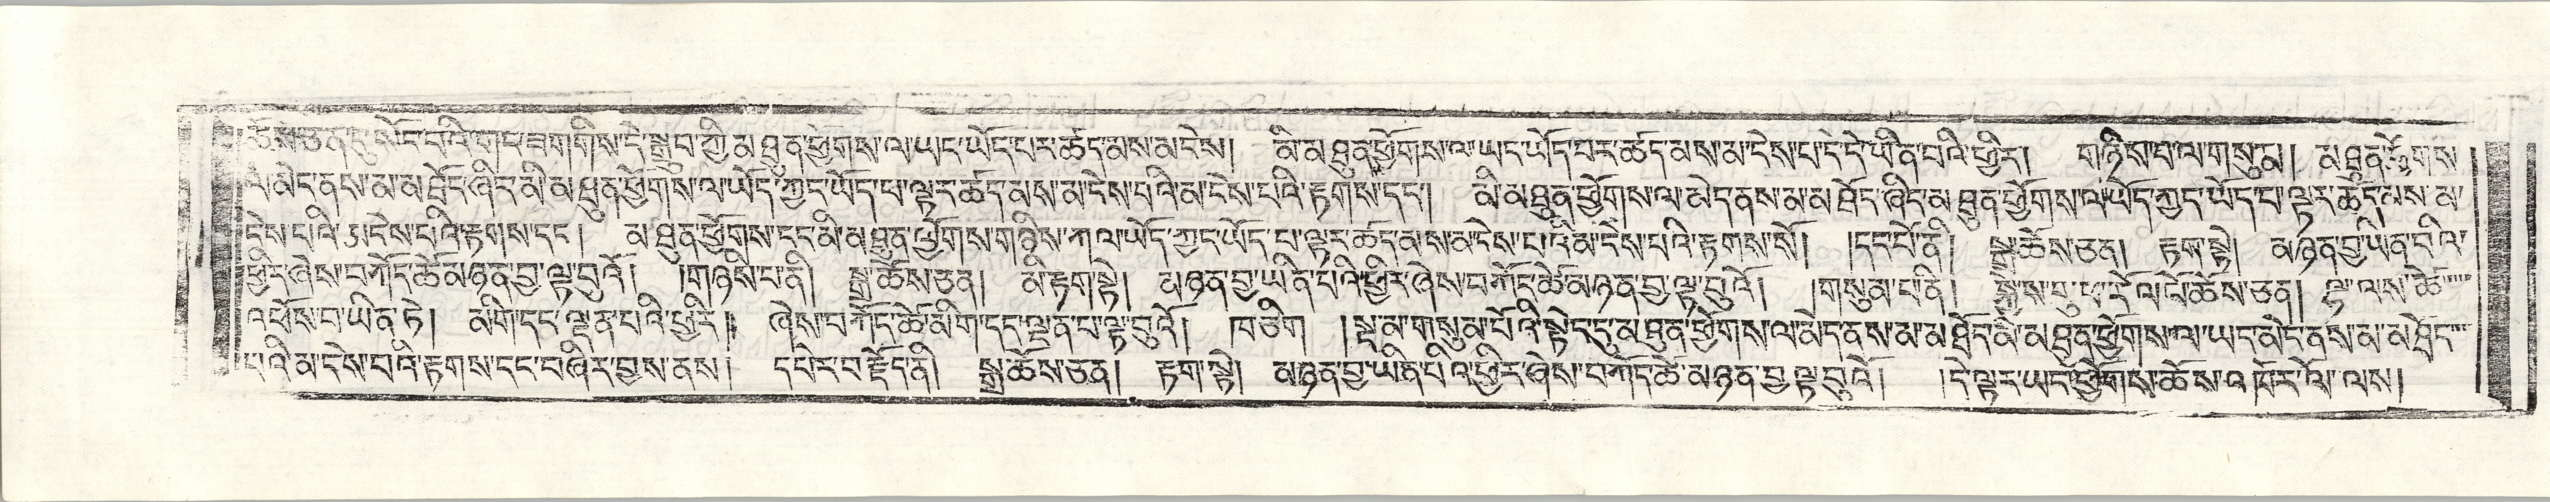ཆོས་ཅན་དུ་སོང་བའི་གང་ཟག་གིས་དེ་སྒྲུབ་ཀྱི་མཐུན་ཕྱོགས་ལ་ཡང་ཡོད་པར་ཚད་མས་མ་ངེས། མི་མཐུན་ཕྱོགས་ལ་ཡང་ཡོད་པར་ཚད་མས་མ་ངེས་པ་དེ་དེ་ཡིན་པའི་ཕྱིར། །གཉིས་པ་ལ་
གསུམ། མཐུན་ཕྱོགས་ལ་མེད་ནས་མ་མཐོང་ཞིང་མི་མཐུན་ཕྱོགས་ལ་ཡོད་ཀྱང་ཡོད་པ་ལྟར་ཚད་མས་མ་ངེས་པའི་མ་ངེས་པའི་རྟགས་དང་། མི་མཐུན་ཕྱོགས་ལ་མེད་ནས་མ་མཐོང་ཞིང་མཐུན་ཕྱོགས་ལ་ཡོད་ཀྱང་ཡོད་པ་ལྟར་ཚད་མས་མ་ངེས་པའི་མ་
ངེས་པའི་རྟགས་དང་། མཐུན་ཕྱོགས་དང་མི་མཐུན་ཕྱོགས་གཉིས་ཀ་ལ་ཡོད་ཀྱང་ཡོད་པ་ལྟར་ཚད་མས་མ་ངེས་པའི་མ་ངེས་པའི་རྟགས་སོ། །དང་པོ་ནི། སྒྲ་ཆོས་ཅན། རྟག་སྟེ། མཉན་བྱ་ཡིན་པའི་ཕྱིར་ཞེས་བཀོད་ཚེ་མཉན་བྱ་ལྟ་བུའོ། །གཉིས་པ་ནི། སྒྲ་ཆོས་ཅན། མི་རྟག་སྟེ། མཉན་བྱ་ཡིན་པའི་ཕྱིར་ཞེས་བཀོད་ཚེ་མཉན་བྱ་ལྟ་བུའོ། །གསུམ་པ་ནི། སྐྱེས་བུ་ཕ་རོལ་བོ་ཆོས་ཅན། ལྷ་ལས་ཚེ་འཕོས་པ་ཡིན་ཏེ། མིག་དང་ལྡན་པའི་ཕྱིར། ཞེས་བཀོད་ཚེ་མིག་དང་ལྡན་པ་ལྟ་བུའོ། །ཁ་ཅིག །སྔ་མ་གསུམ་པོའི་
སྟེང་དུ་མཐུན་ཕྱོགས་ལ་མེད་ནས་མ་མཐོང་མི་མཐུན་ཕྱོགས་ལ་ཡང་མེད་ནས་མ་མཐོང་བའི་མ་ངེས་པའི་རྟགས་དང་བཞིར་བྱས་ནས། དཔེར་བརྗོད་ནི། སྒྲ་ཆོས་ཅན། རྟག་སྟེ། མཉན་བྱ་ཡིན་པའི་ཕྱིར་ཞེས་བཀོད་ཚེ་མཉན་བྱ་ལྟ་བུའོ། །དེ་ལྟར་ཡང་
ཕྱོགས་ཆོས་འཁོར་ལོ་ལས།